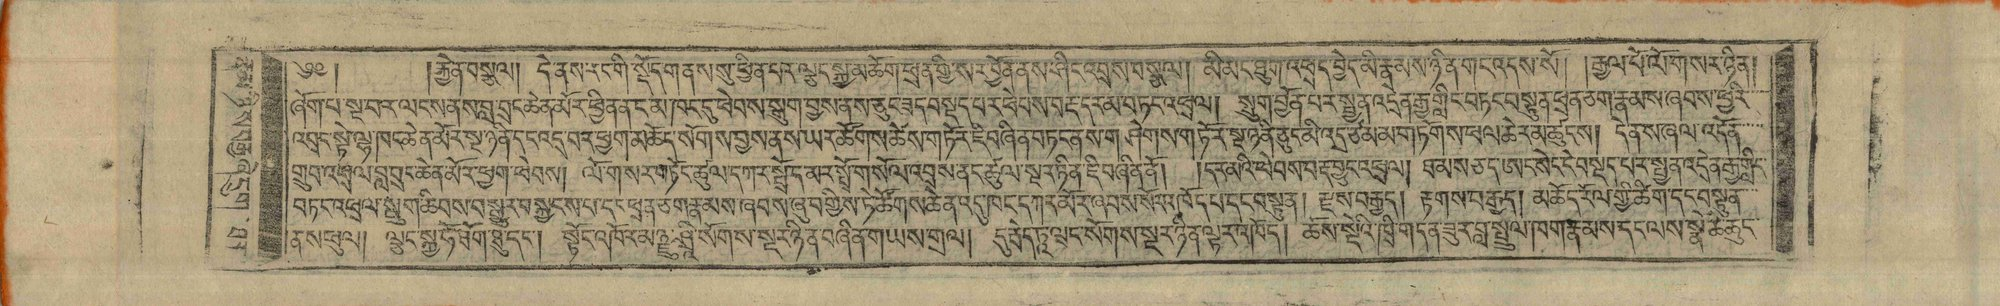༄༅། །རྐྱེན་བསྩལ། དེ་ནས་རང་གི་སྡོད་གནས་སུ་ཕྱིན་པར་ལྕང་སྐྱ་མཆོག་ཕྲན་གྱི་སར་བྱོན་ནས་ཤིང་འབྲས་བསྩལ། མི་མང་ཐུག་འཕྲད་བྱེད་མི་རྣམས་ཉིན་གང་འདས་སོ། །རྒྱལ་པོ་ལོ་གསར་ཉིན།
ཞོག་པ་སྔ་བར་ལངས་ནས་བླ་བྲང་ཆེན་མོར་ཕྱིན་ནང་མ་ཁང་དུ་ཕེབས་སྒུག་བྱས་ནས་ཅུང་ཟད་བསྡད་པར་ཕེབས་བརྡ་དར་མ་བཏང་འཕྲལ། སྤུག་བྱོན་པར་སྤྱན་འདྲེན་རྒྱ་གླིང་བཏང་བསྟུན་ཕྲན་ཅག་རྣམས་ཞབས་ཕྱིར་
འབྲང་སྟེ་ལྷ་ཁང་ཆེན་མོར་སྔ་ཉིན་དང་འདྲ་བར་ཕྱག་མཆོད་སོགས་བྱས་ནས་ཡར་ཚོགས་ཚེས་གཏོར་ཇི་བཞིན་བཏང་ནས་གཤེགས་གཏོར་སྔ་ཉིན་ཅུང་མི་འདྲ་ཙམ་མ་གཏོགས་ཕལ་ཆེར་མཚུངས། དེ་ནས་ཞལ་འདོན་
གྲུབ་འཕྲལ་བླ་བྲང་ཆེན་མོར་ཕྱག་ཕེབས། ལོ་གསར་གཏོང་ཚུལ་དཀར་སྤྲོ་དམར་སྤྲོ་གསོལ་འབྲས་ནང་ཚུལ་སྔར་ཉིན་ཇི་བཞིན་ནོ། །དར་མའི་ཕེབས་བརྡ་བྱུང་འཕྲལ། ཐམས་ཅད་ཨང་སེང་ངེ་བསྡད་པར་སྤྱན་འདྲེན་རྒྱ་གླིང་
བཏང་འཕྲལ་སྤུག་ཆིབས་བསྒྱུར་བསྐྱངས་པ་དང་ཕྲན་ཅག་རྣམས་ཞབས་ཞུ་བགྱིས་ཏེ་ཚོགས་ཆེན་འདུ་ཁང་དཀར་མོར་ཞབས་སོར་འཁོད་པ་དང་བསྟུན། རྫས་བརྒྱད། རྟགས་བརྒྱད། མཆོད་རོལ་གྱི་ཚིག་དང་བསྟུན་
ནས་ཕུལ། ལྕང་སྐྱ་ཧོ་ཐོག་ཐུ་དང་། སྟོང་འཁོར་མཉྫུ་ཤྲཱི་སོགས་སྔར་ཉིན་བཞིན་གཡས་གྲལ། དུ་རྦེད་ཏཱ་ཝང་སོགས་སྔར་ཉིན་ལྟར་འཁོད། ཆོས་སྡེའི་ཁྲི་གདན་ཟུར་བླ་སྤྲུལ་ཁག་རྣམས་དང་ལས་སྣེ་ཆེ་ཆུང་